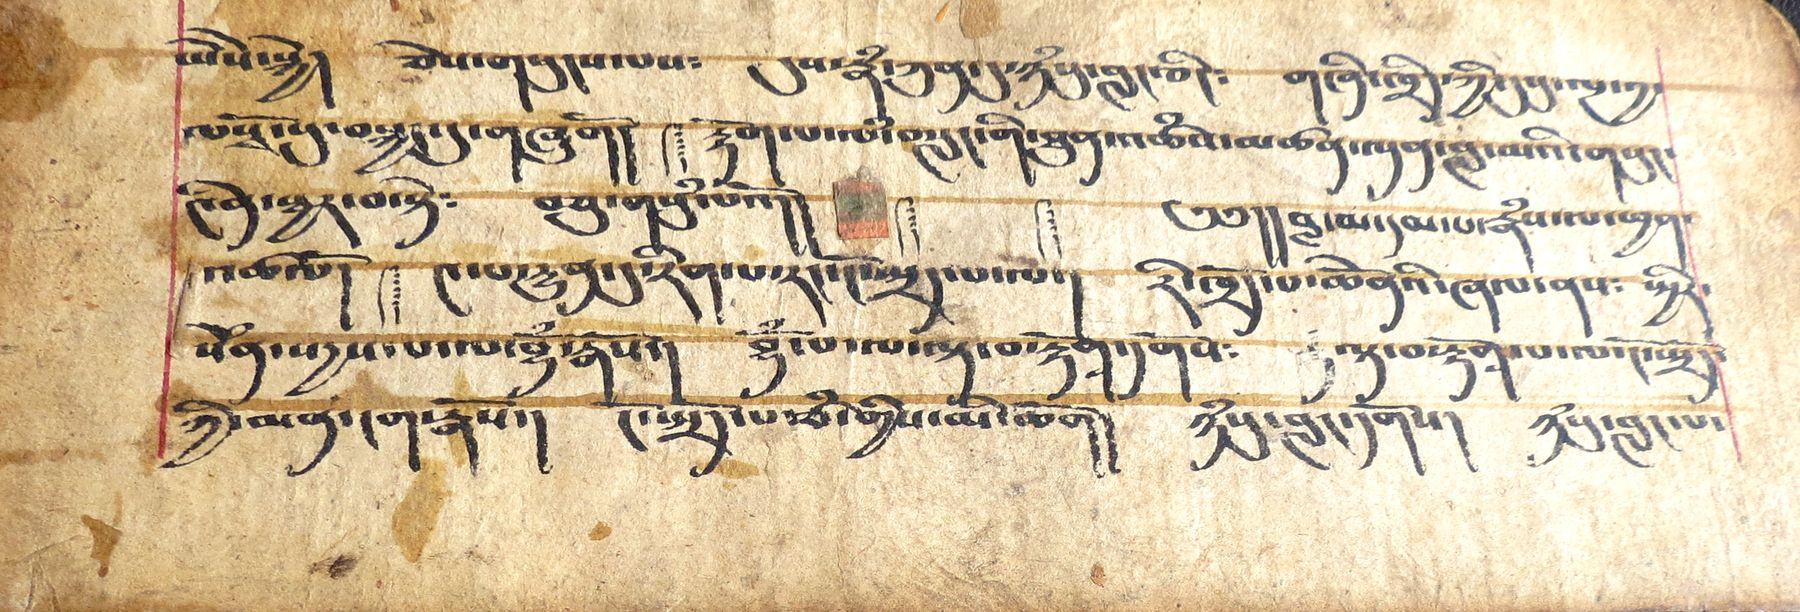ཡེ་ཤེས་སྐྱེ། ཞེས་གསུངས་པས། དུས་རྣམ་ཀུན་ཏུ་ཉམས་སུ་བླངས་ཤིང་། གཞི་ཁྲིད་ཀྱི་དུས་ལྔ་བདུན་
ལ་སོགས་སུ་སྦྱང་དུ་གཞུག་གོ ། རྟོག་པ་ལམ་སློང་གི་ཐུན་མཚམས་མཚན་ལྡན་བླ་མའི་གསུངས་
བཞིན་སྤྱར་བ་སྟེ། བཅུ་གསུམ་པའོ། ། བླ་མ་དམ་པ་རྣམས་ལ་ཕྱག་
འཚལ་ལོ། བཞི་པ་རྒྱུན་དུ་རིག་པ་རང་ངོ་སྤྲོད་པ་ལ། རི་ཁྲོད་པ་ཆེན་པོའི་ཞལ་ནས། སྤྱིར་
སེམས་ཅན་སངས་རྒྱས་པ་ལ་བསྒོམ་དགོས། སྒོམ་པ་ལ་ལྟ་བ་རྟོགས་དགོས། ལྟ་བ་རྟོགས་པ་ངོ་སྤྲོད་
ཀྱི་མན་ངག་དགོས། དེ་ཡང་ངོ་སྤྲད་པ་ཙམ་གྱིས་མི་ཆོག་ཉམས་སུ་བླང་དགོས། ཉམས་སུ་བླངས་པ་